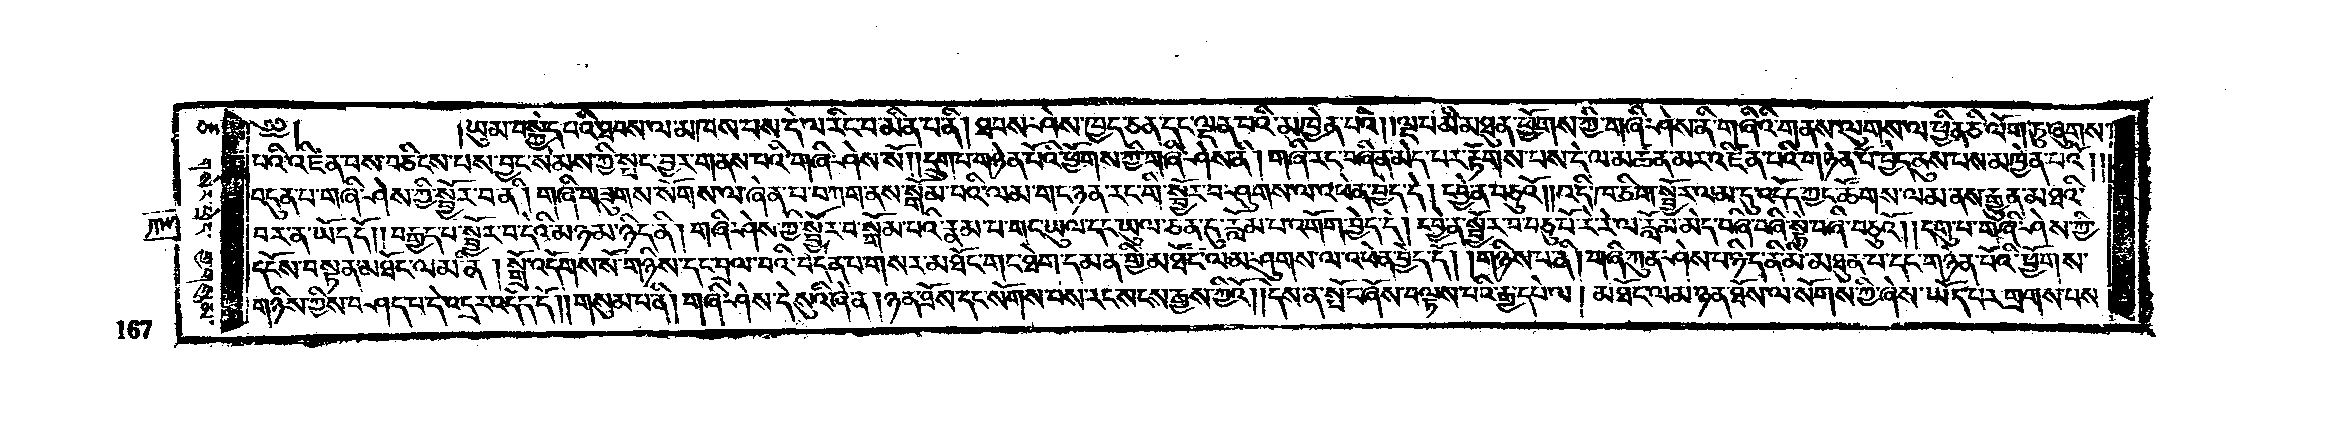༄༅། །ཡུམ་བསྐྱེད་པའི་ཐབས་ལ་མཁས་པས་དེ་ལ་རིང་བ་མིན་པ་ནི། ཐབས་ཤེས་ཁྱད་ཅན་དང་ལྡན་པའི་མཁྱེན་པའོ། །ལྔ་པ་མི་མཐུན་ཕྱོགས་ཀྱི་གཞི་ཤེས་ནི་གཞིའི་གནས་ལུགས་ལ་ཕྱིན་ཅི་ལོག་ཏུ་ཞུགས་
པའི་འཛིན་པས་བཅིངས་པས་བྱང་སེམས་ཀྱི་སྤང་བྱར་གནས་པའི་གཞི་ཤེས་སོ། །དྲུག་པ་གཉེན་པོའི་ཕྱོགས་ཀྱི་གཞི་ཤེས་ནི། གཞི་རང་བཞིན་མེད་པར་རྟོགས་པས་དེ་ལ་མཚན་མར་འཛིན་པའི་གཉེན་པོ་བྱེད་ནུས་པས་མཁྱེན་པའོ། །
བདུན་པ་གཞི་ཤེས་ཀྱི་སྦྱོར་བ་ནི། གཞི་གཟུགས་སོགས་ལ་ཞེན་པ་བཀག་ནས་སྒོམ་པའི་ལམ་གང་ཉན་རང་གི་སྦྱོར་བ་ཤུགས་ལ་འཕེན་བྱེད་དེ། དབྱེ་ན་བཅུའོ། །འདི་ཁ་ཅིག་སྦྱོར་ལམ་དུ་འདོད་ཀྱང་ཚོགས་ལམ་ནས་རྒྱུན་མཐའི་
བར་ན་ཡོད་དོ། །བརྒྱད་པ་སྦྱོར་བ་དེའི་མཉམ་ཉིད་ནི། གཞི་ཤེས་ཀྱི་སྦྱོར་བ་སྒོམ་པའི་རྣམ་པ་གང་ཡུལ་དང་ཡུལ་ཅན་དུ་རློམ་པ་འགོག་བྱེད་དེ། དབྱེ་ན་སྦྱོར་བ་བཅུ་པོ་རེ་རེ་ལ་རློམ་མེད་བཞི་བཞི་སྟེ་བཞི་བཅུའོ། །དགུ་པ་གཞི་ཤེས་ཀྱི་
དངོས་བསྟན་མཐོང་ལམ་ནི། སྒྲོ་འདོགས་སོ་གཉིས་དང་བྲལ་བའི་བདེན་པ་གསར་མཐོང་གང་ཐེག་དམན་གྱི་མཐོང་ལམ་ཤུགས་ལ་འཕེན་བྱེད་དོ། །གཉིས་པ་ནི། གཞི་ཀུན་ཤེས་པ་ཉིད་ནི་མི་མཐུན་པ་དང་གཉེན་པོའི་ཕྱོགས་
གཉིས་ཀྱིས་བཤད་པ་དེ་འདྲར་འདོད་དོ། །གསུམ་པ་ནི། གཞི་ཤེས་དེ་སུའི་ཞེ་ན། ཉན་ཐོས་དང་སོགས་པས་རང་སངས་རྒྱས་ཀྱིའོ། །དེས་ན་སྤོང་ཞོས་བལྟས་པའི་རྒྱ་དཔེ་ལ། མཐོང་ལམ་ཉན་ཐོས་ལ་སོགས་ཀྱི་ཞེས་ཡོད་པར་གྲགས་པས་